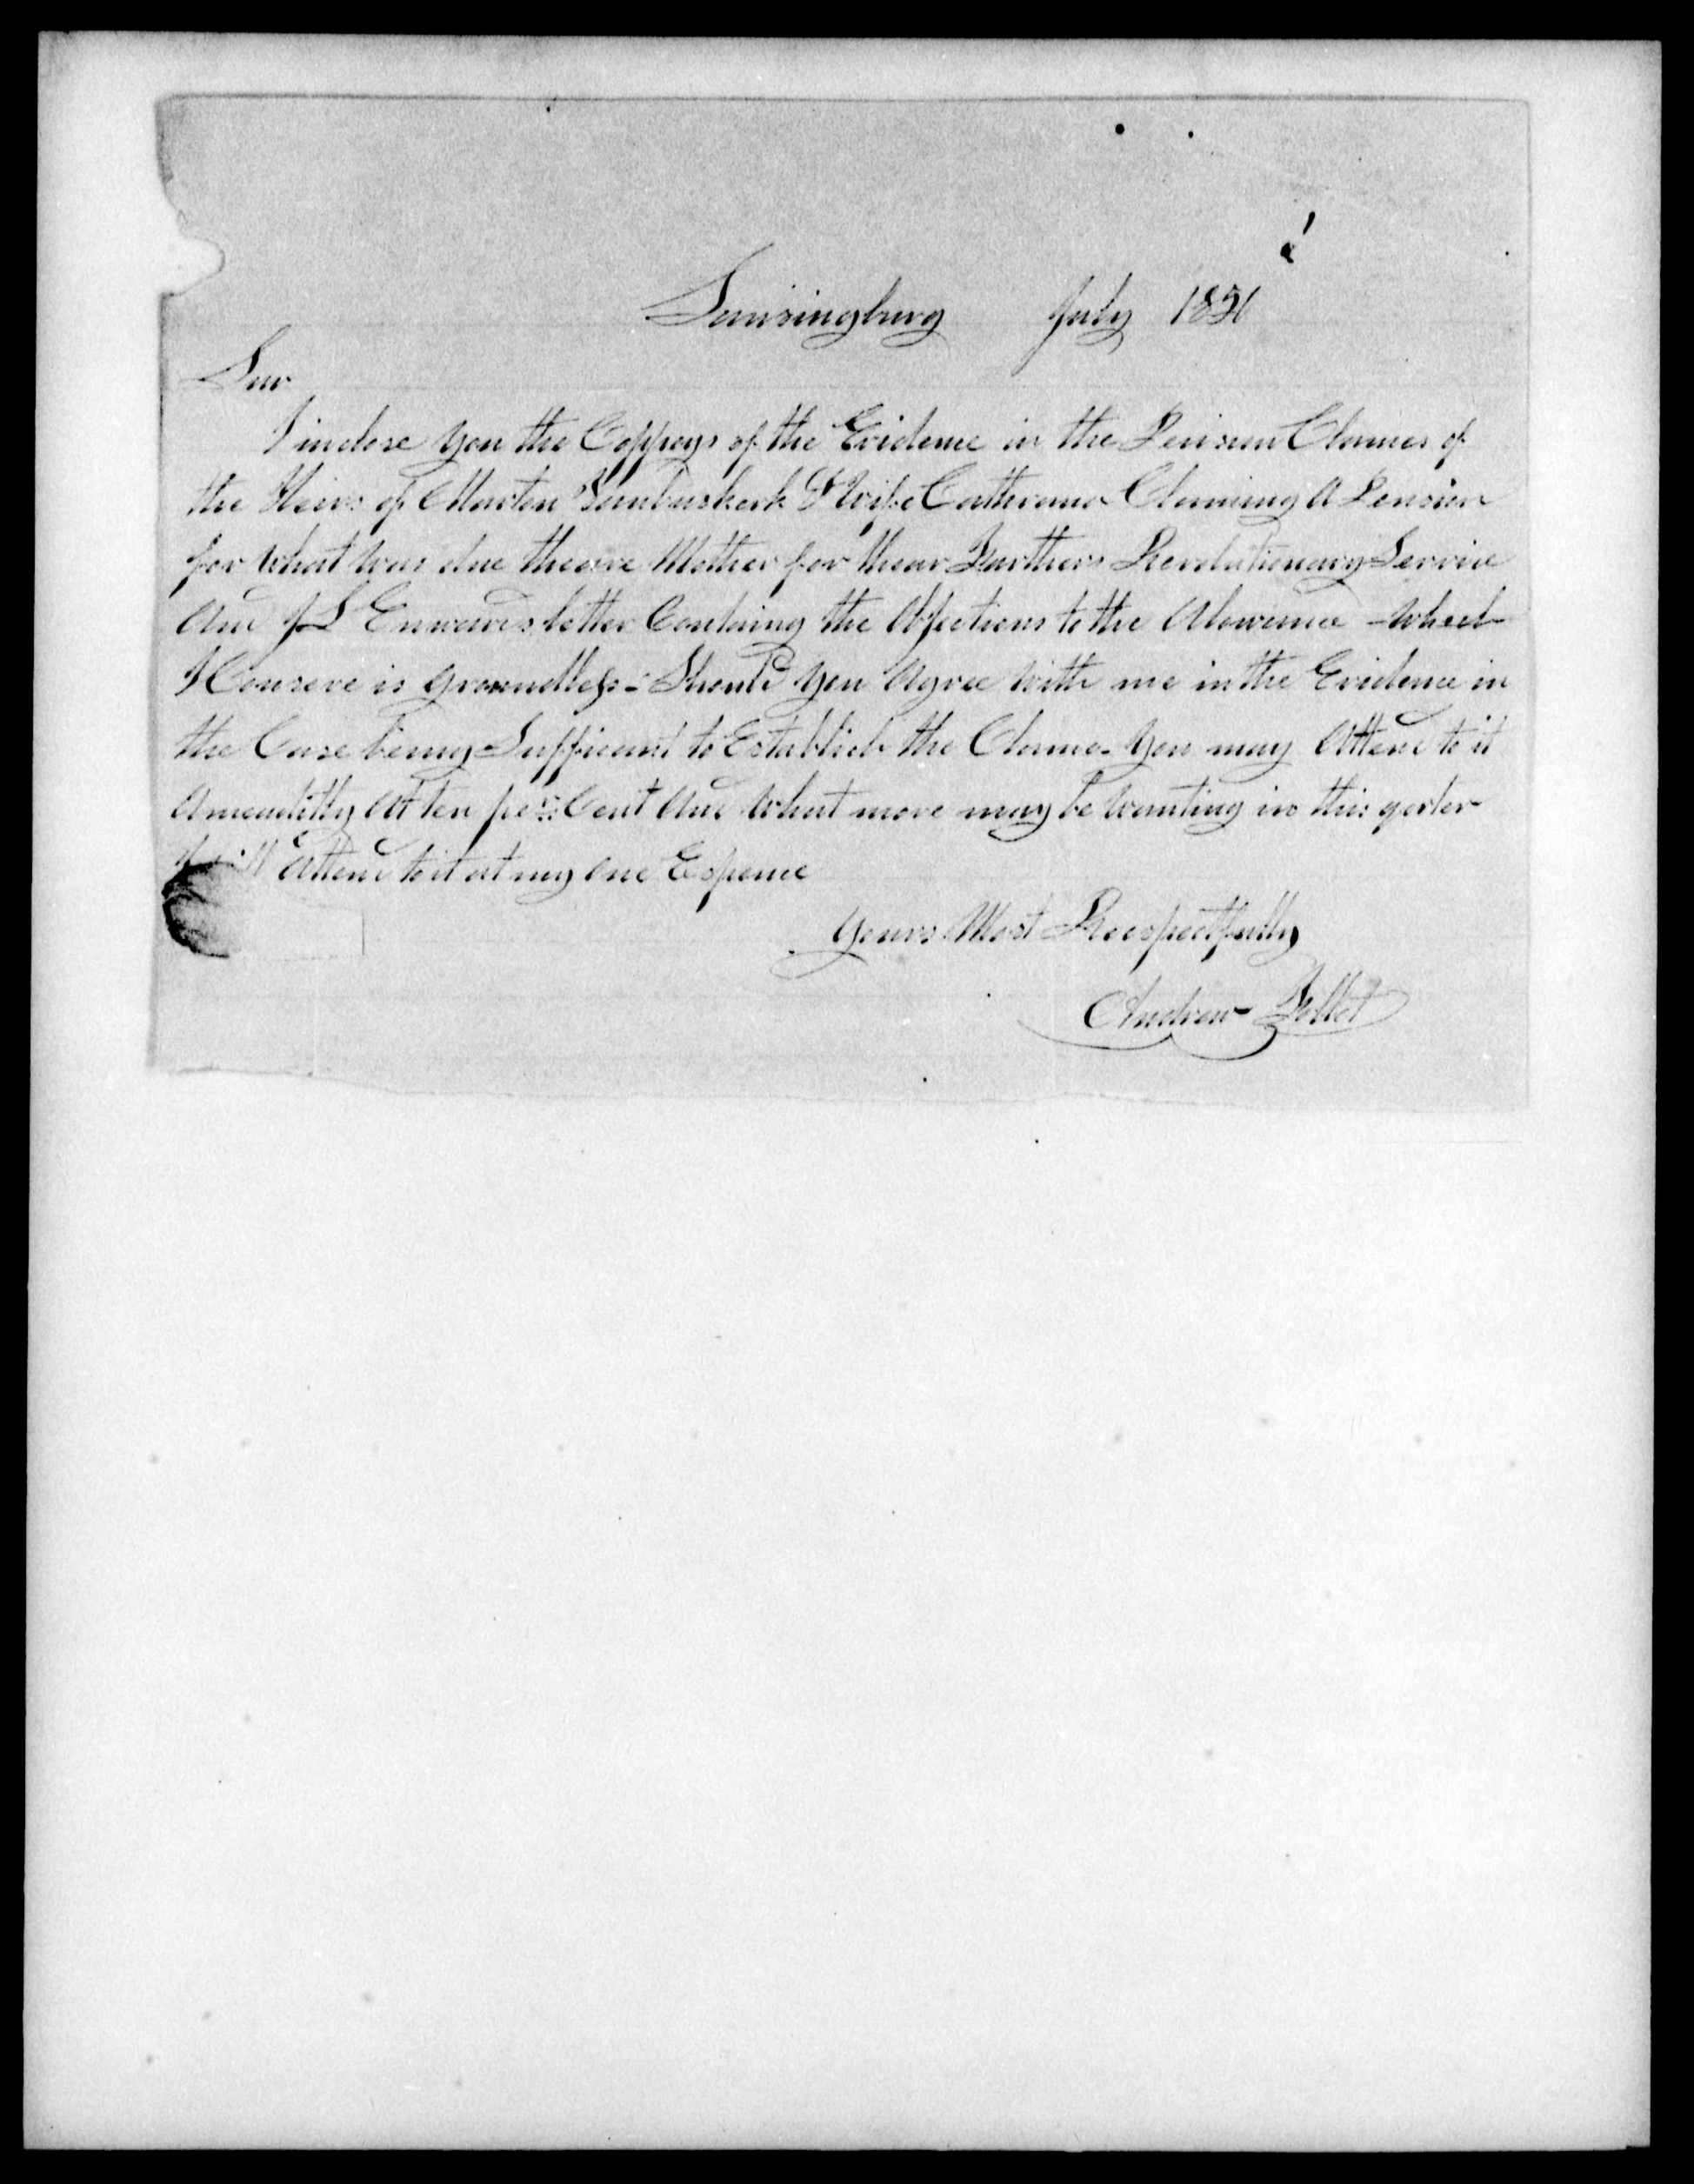Lansingburgh July 1821

Sir
I inclose you the Coppays [copies] of the Evidence in the Pension Clames [claims] of the Heirs of Martin VanBuskirk & Wife Cathrina Claiming a Pension for what was due their Mother for thear [their] Father's Revolutionary Service and of Enclosed letter containing the objections to the Allowance which [illegible] is groundless. Should you agree with me in the Evidence in the Case being sufficient to establish the clame [claim] you may attend to it [Amenditly?] at ten per Cent and what more may be wanting in this [illegible] attend to it at my one Exspence

Yours Most Respectfully
Andrew Follet [signature]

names: Andrew Follet, Cathronia Claming, J L Edwards, Martin Vanbuskerk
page: 22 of 70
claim: rejected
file: R. 10,832, Martin Van Buskirk, New York.